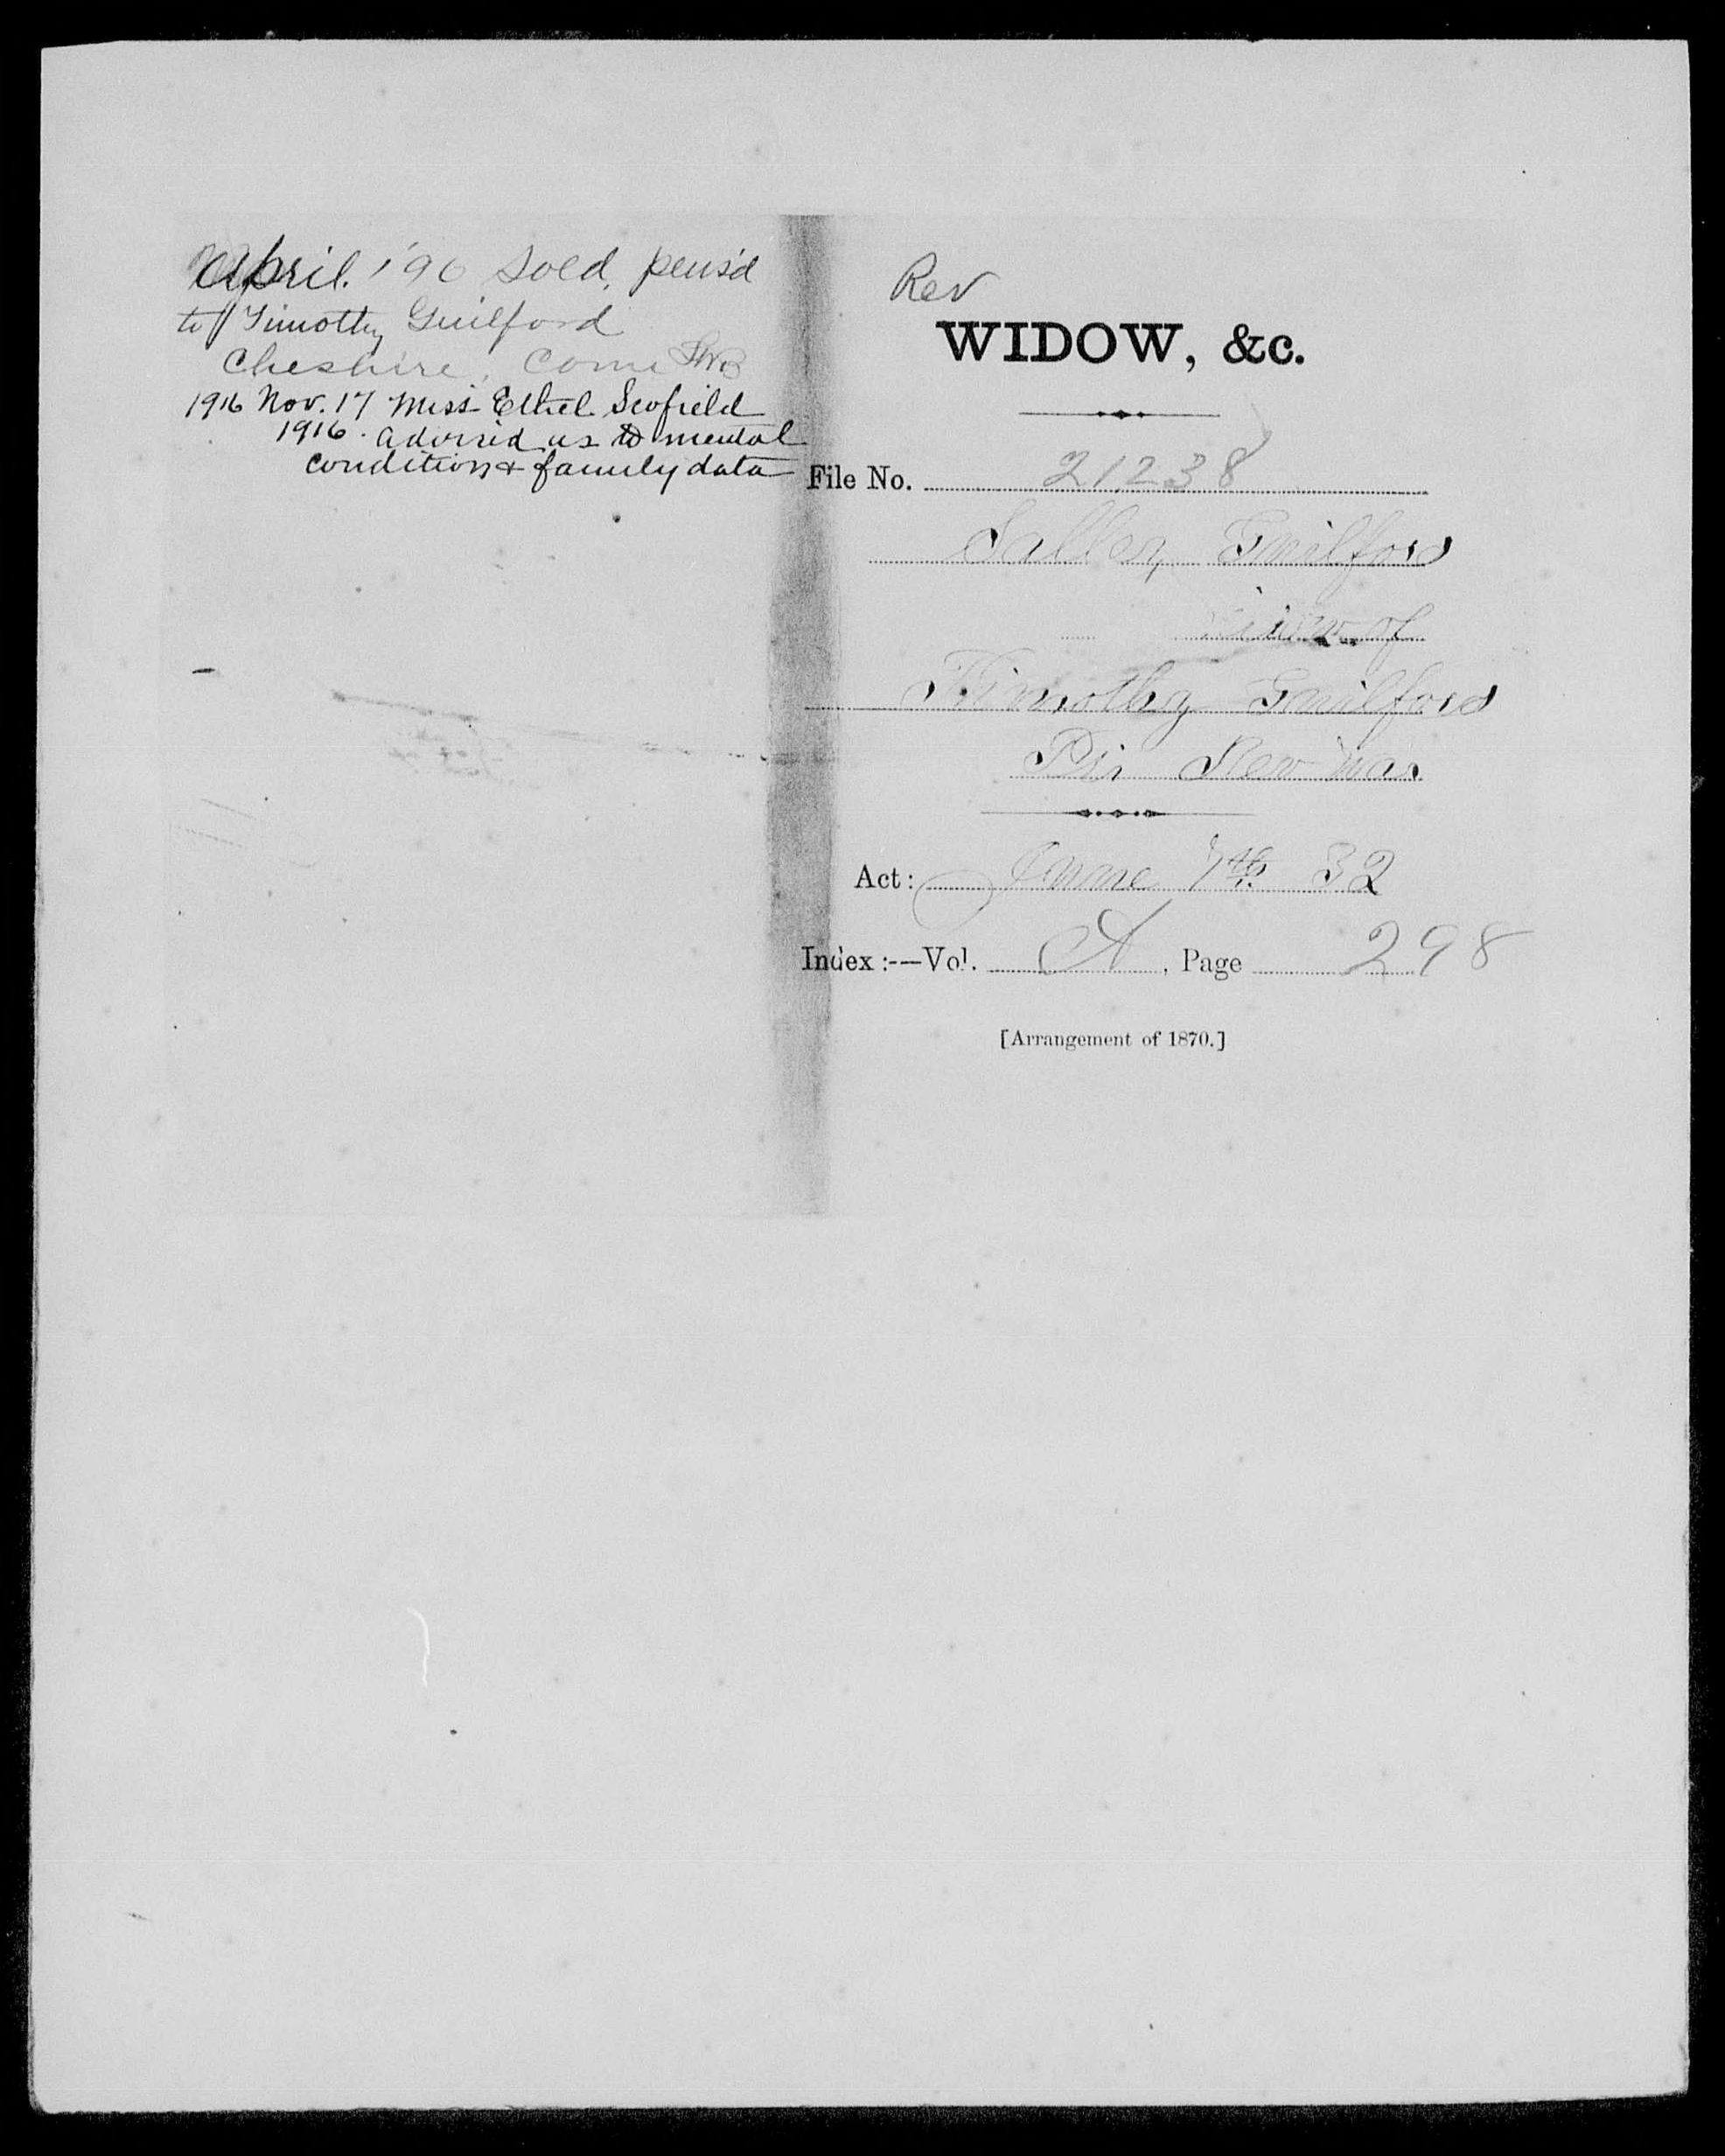(Left side of page)

April 1 '96 sold pens'd.
to Timothy Guilford
Cheshire, Conn

1916 Nov. 17 Miss Ethel Scofield
1916 advised us to mental
condition & family data

(Right side of page)

Rev. WIDOW, &c.
File No. 21238

Salley Guilford 
widow of
Timothy Guilford
Prv. Rev. War

Act: June 7th '32
Index:---Vol. A, Page 298

[Arrangement of 1870]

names: Timothy Guilford, Timothy Guilford, Salley Guilford, Ethel Scofield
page: 22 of 26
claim: widow's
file: W. 21,238, Timothy Guilford, Mass.